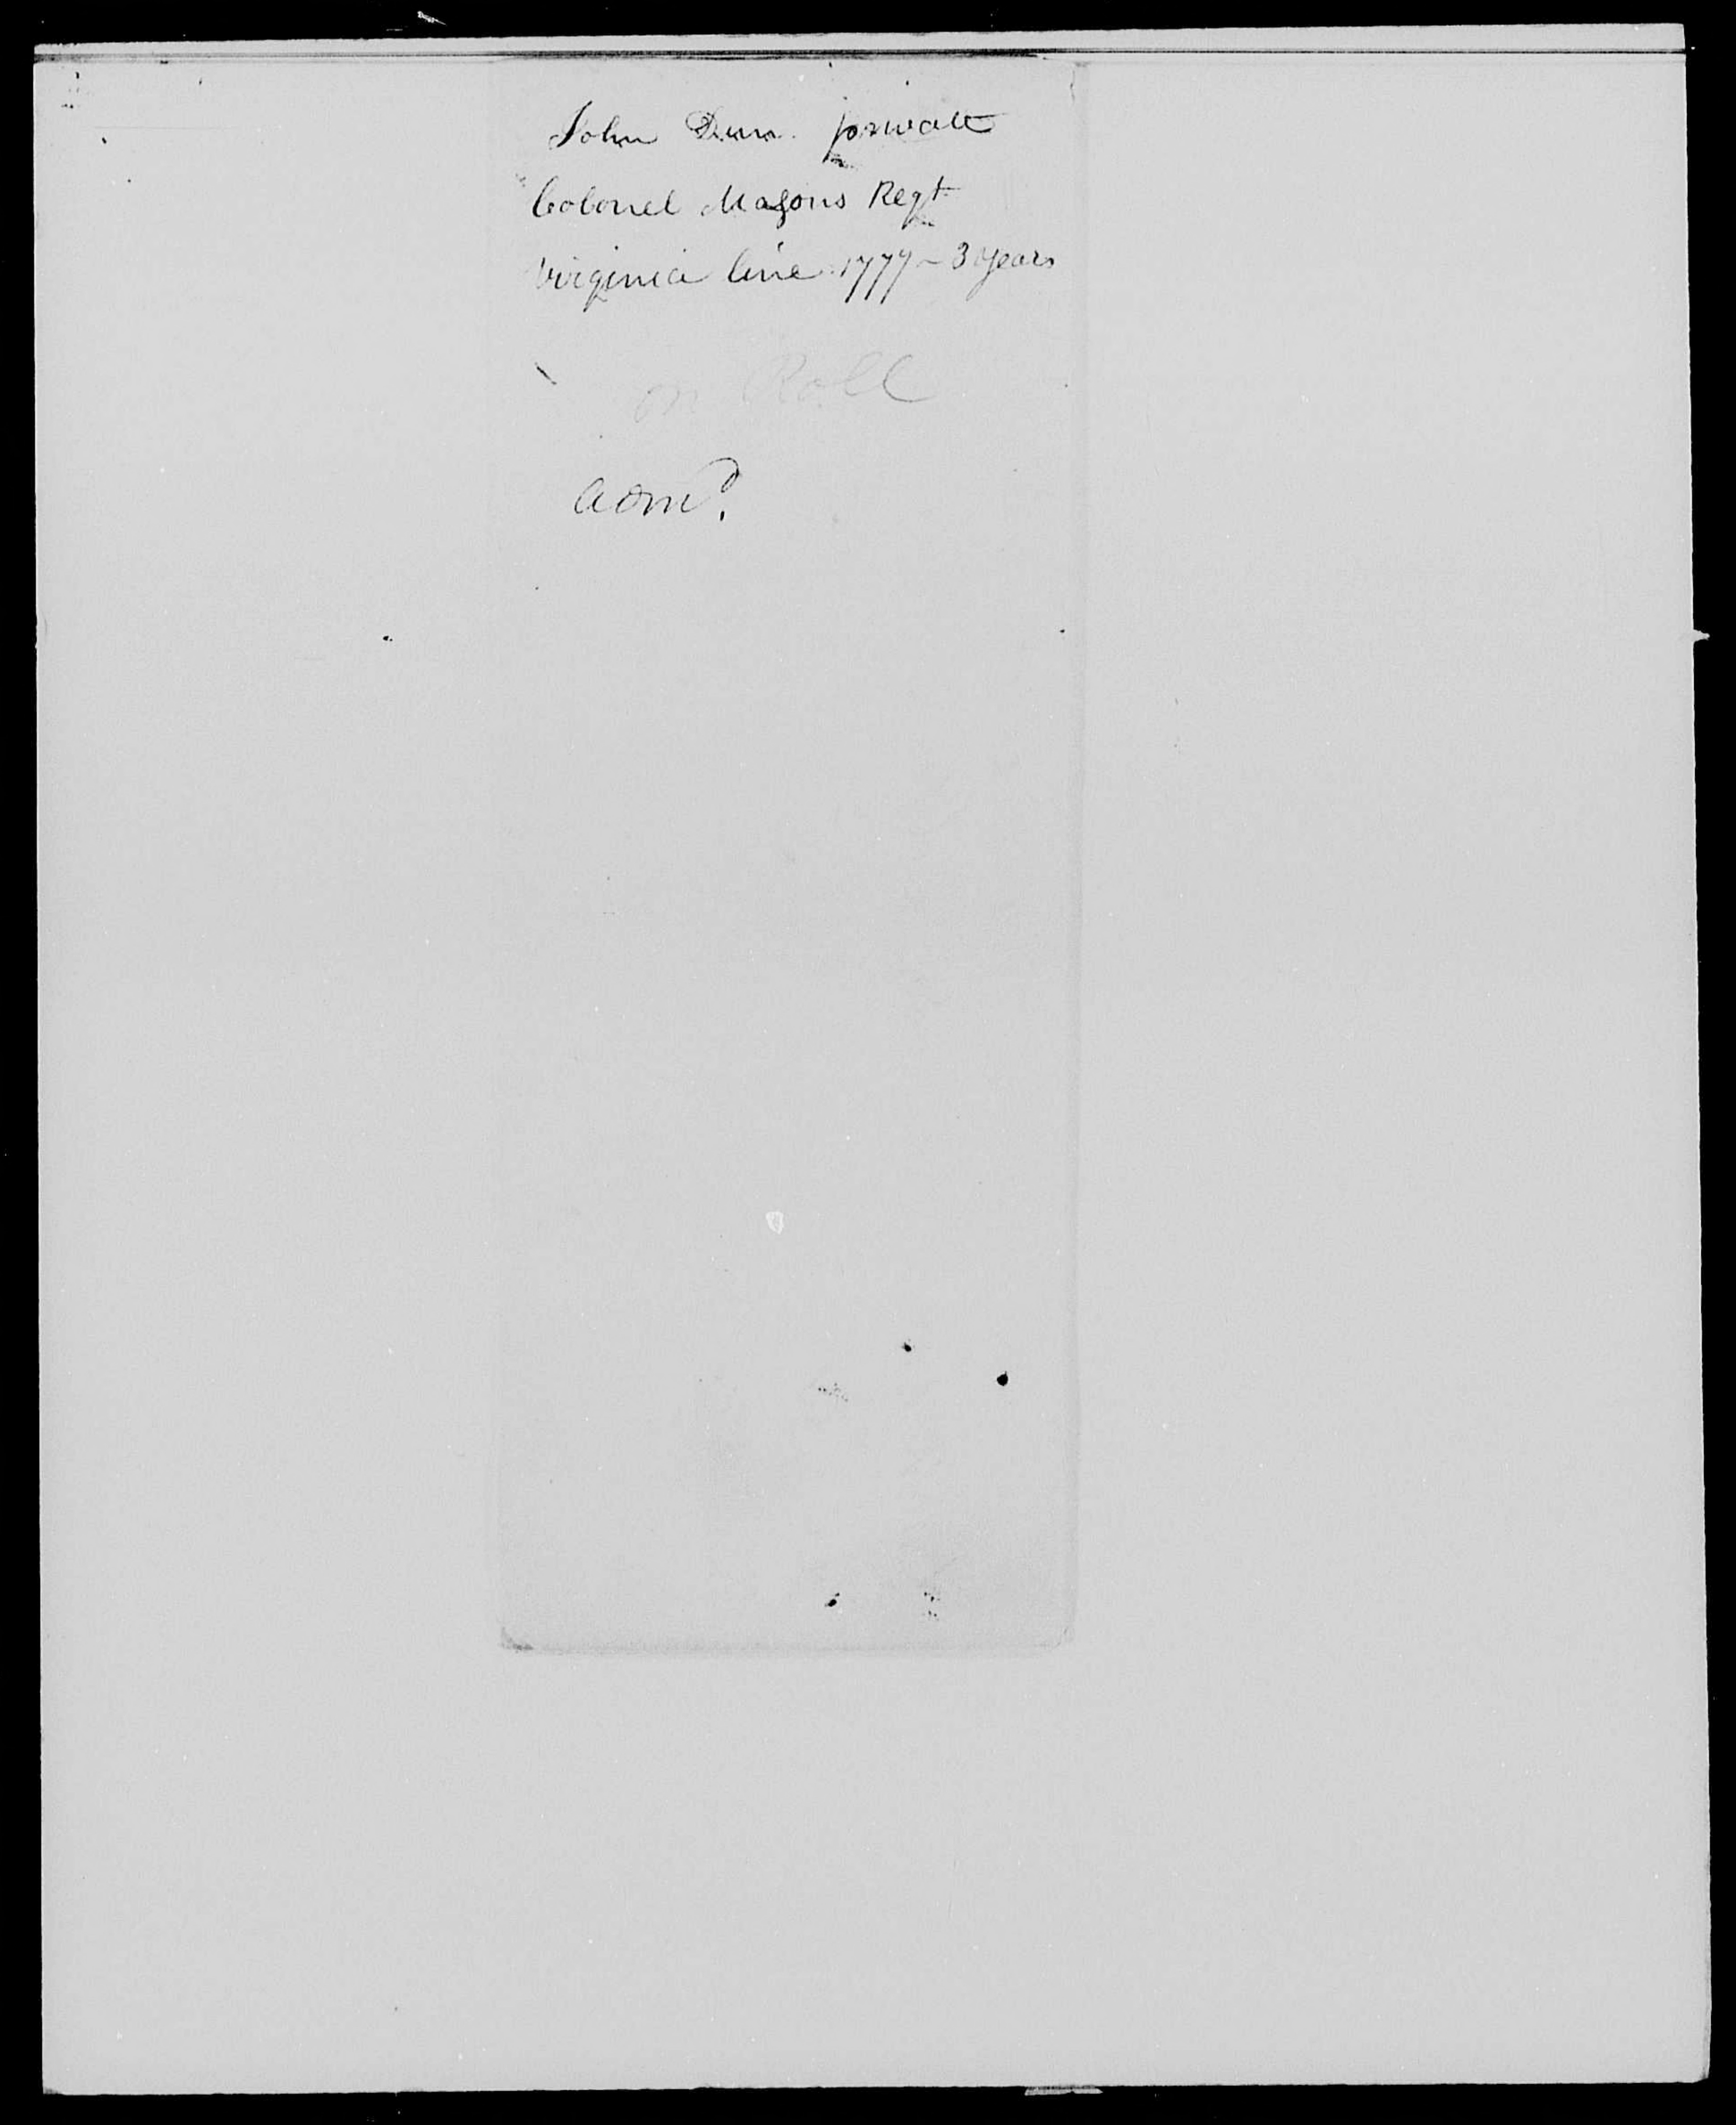John Dunn private
Colonel [David] Masons Regiment
Virginia line 1777-3 years

on Roll
aomd.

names: John Dum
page: 4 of 23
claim: survivor's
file: S 35903, John Dunn, Va.